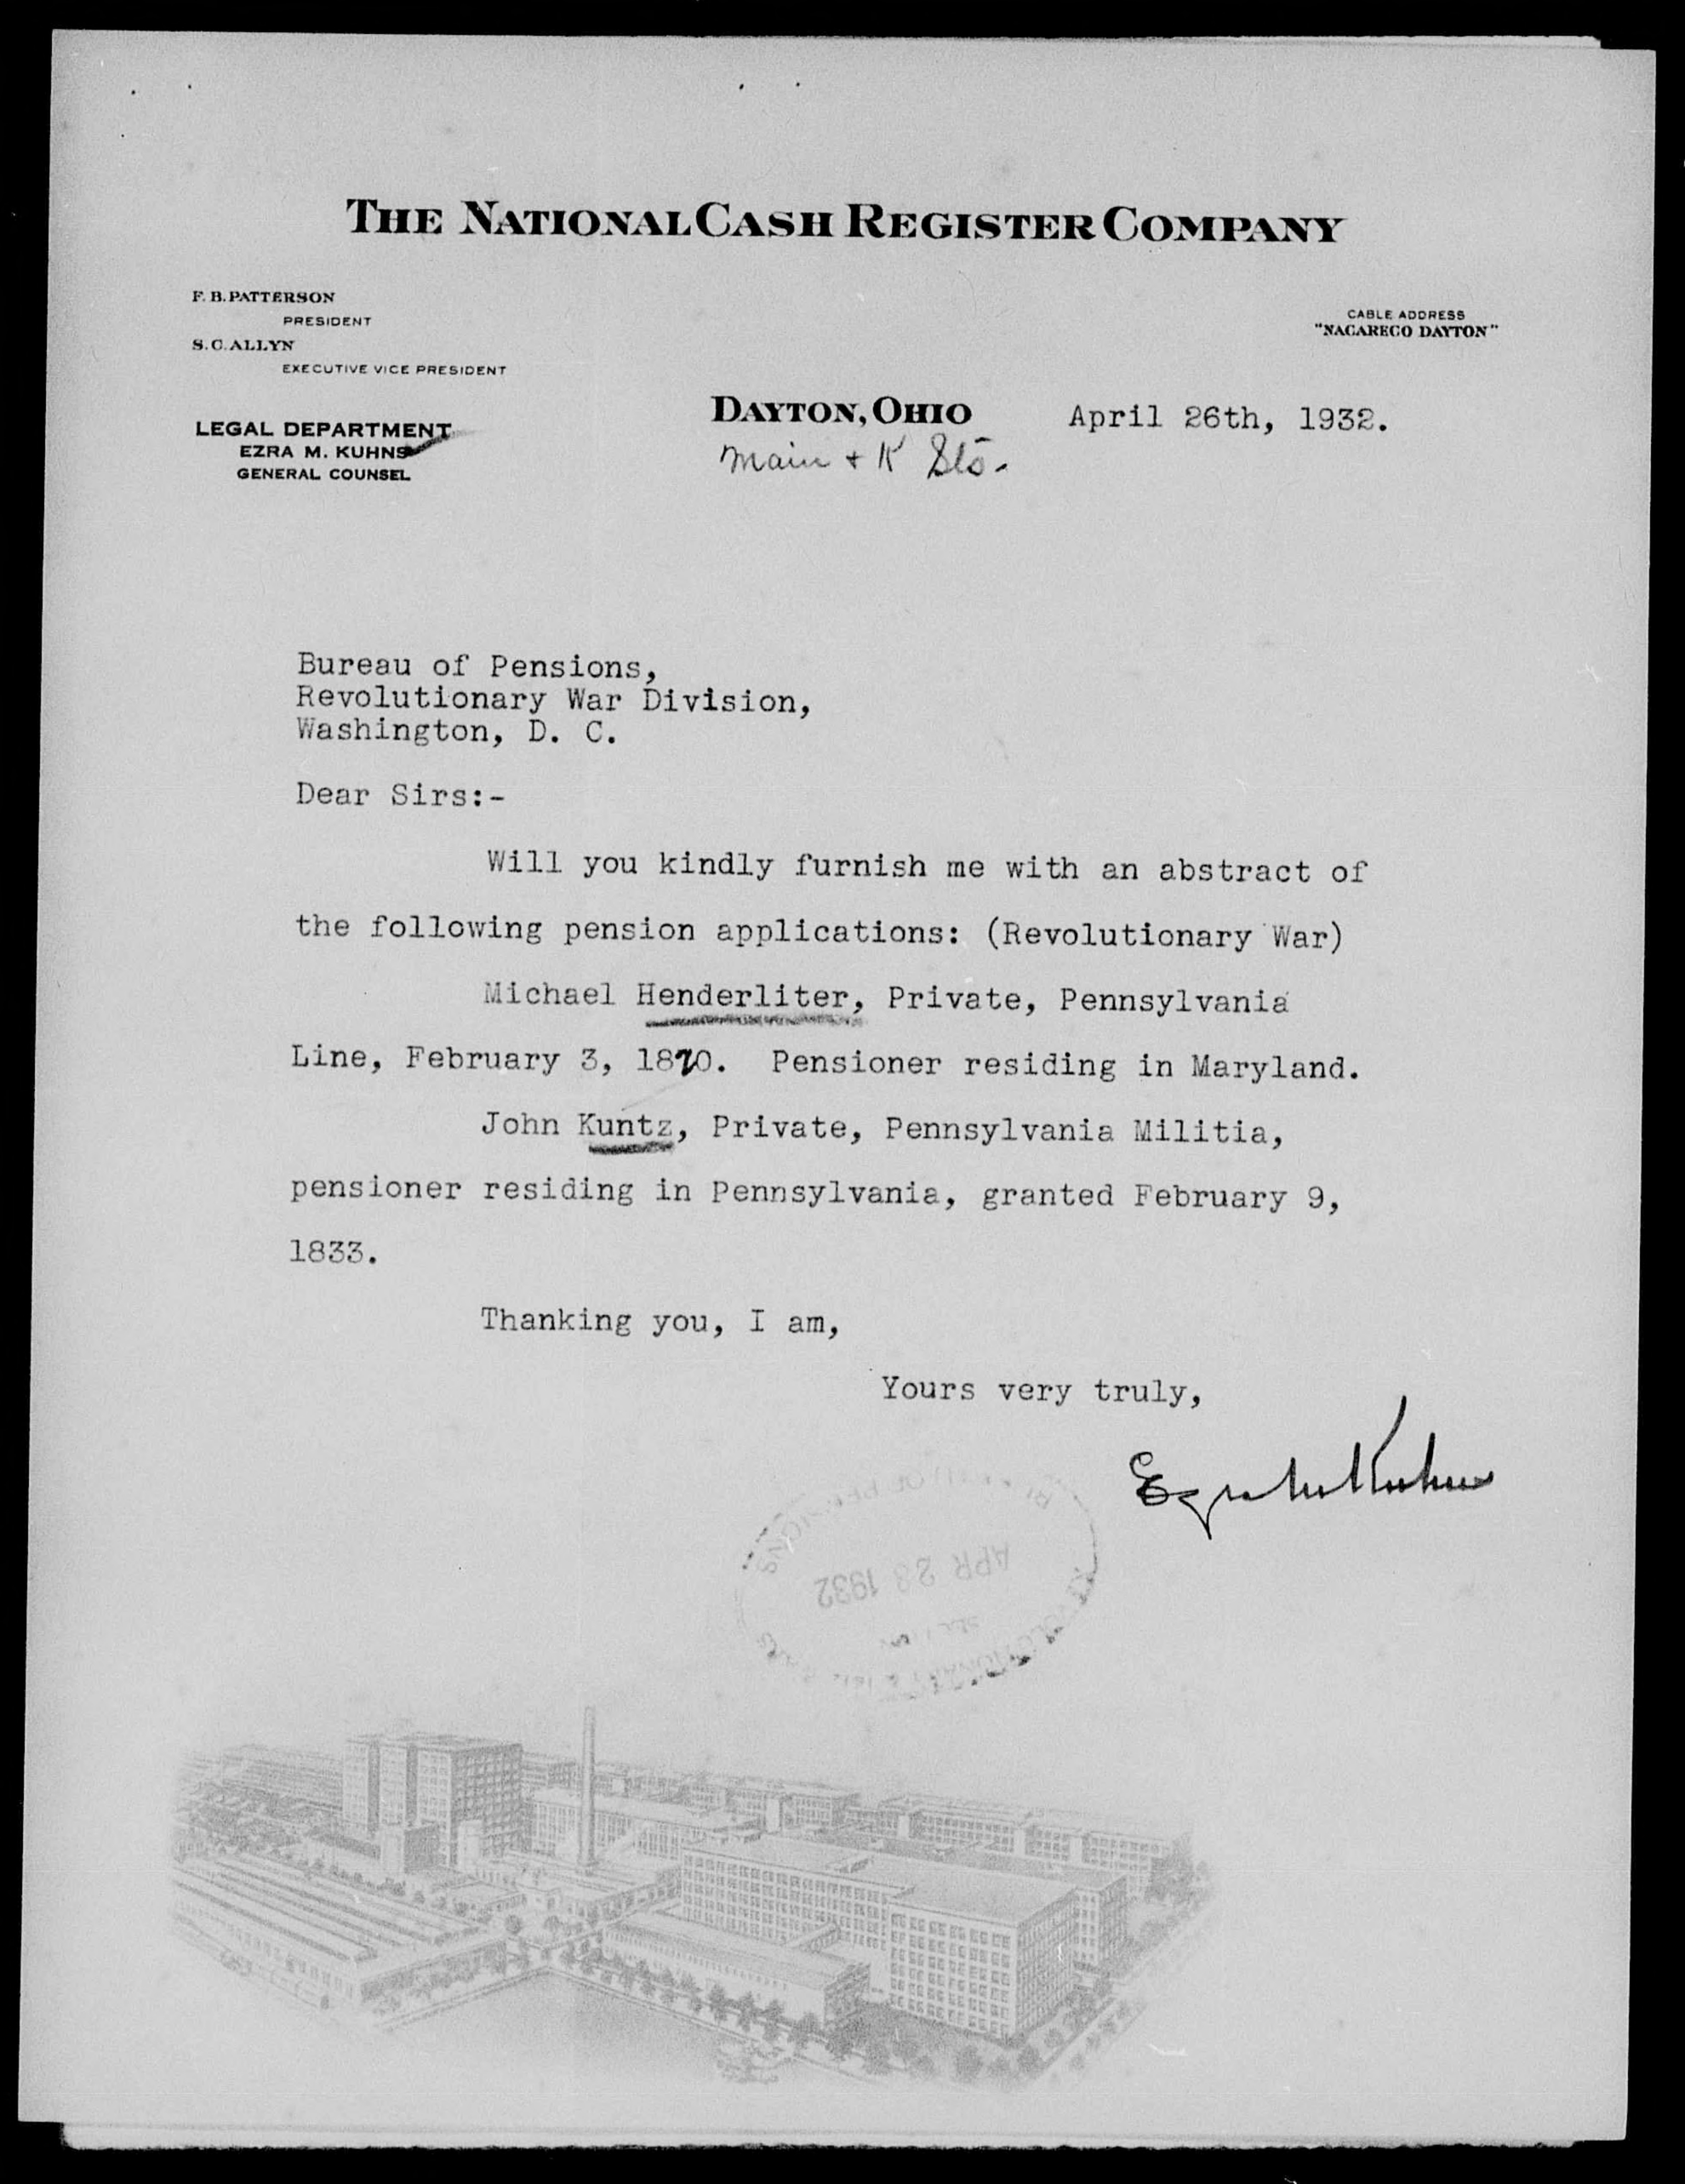The National Cash Register Company
Dayton, Ohio
Main & K Sts.
Legal Department               April 26, 1932.
Ezra M. Kuhns
General Counsel

Bureau of Pensions,
Revolutionary War Division,
Washington, D. C.
Dear Sirs:-
Will you kindly furnish me with an abstract of the following pension applications:  (Revolutionary War)
Michael Henderliter, Private, Pennsylvania Line, February 3, 1820,  Pensioner residing in Maryland.
John Kuntz, Private, Pennsylvania Militia, pensioner residing in Pennsylvania, granted February 9, 1833.
Thanking you, I am,
Yours very truly,
Ezra M Kuhns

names: S C Allyn, John Kuntz, Ezra M Kuhns, F B Patterson, Ezra M Kuhns, Michael Henderliter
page: 13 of 15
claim: survivor's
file: S. 38016, Michael Henderliter, Penn.